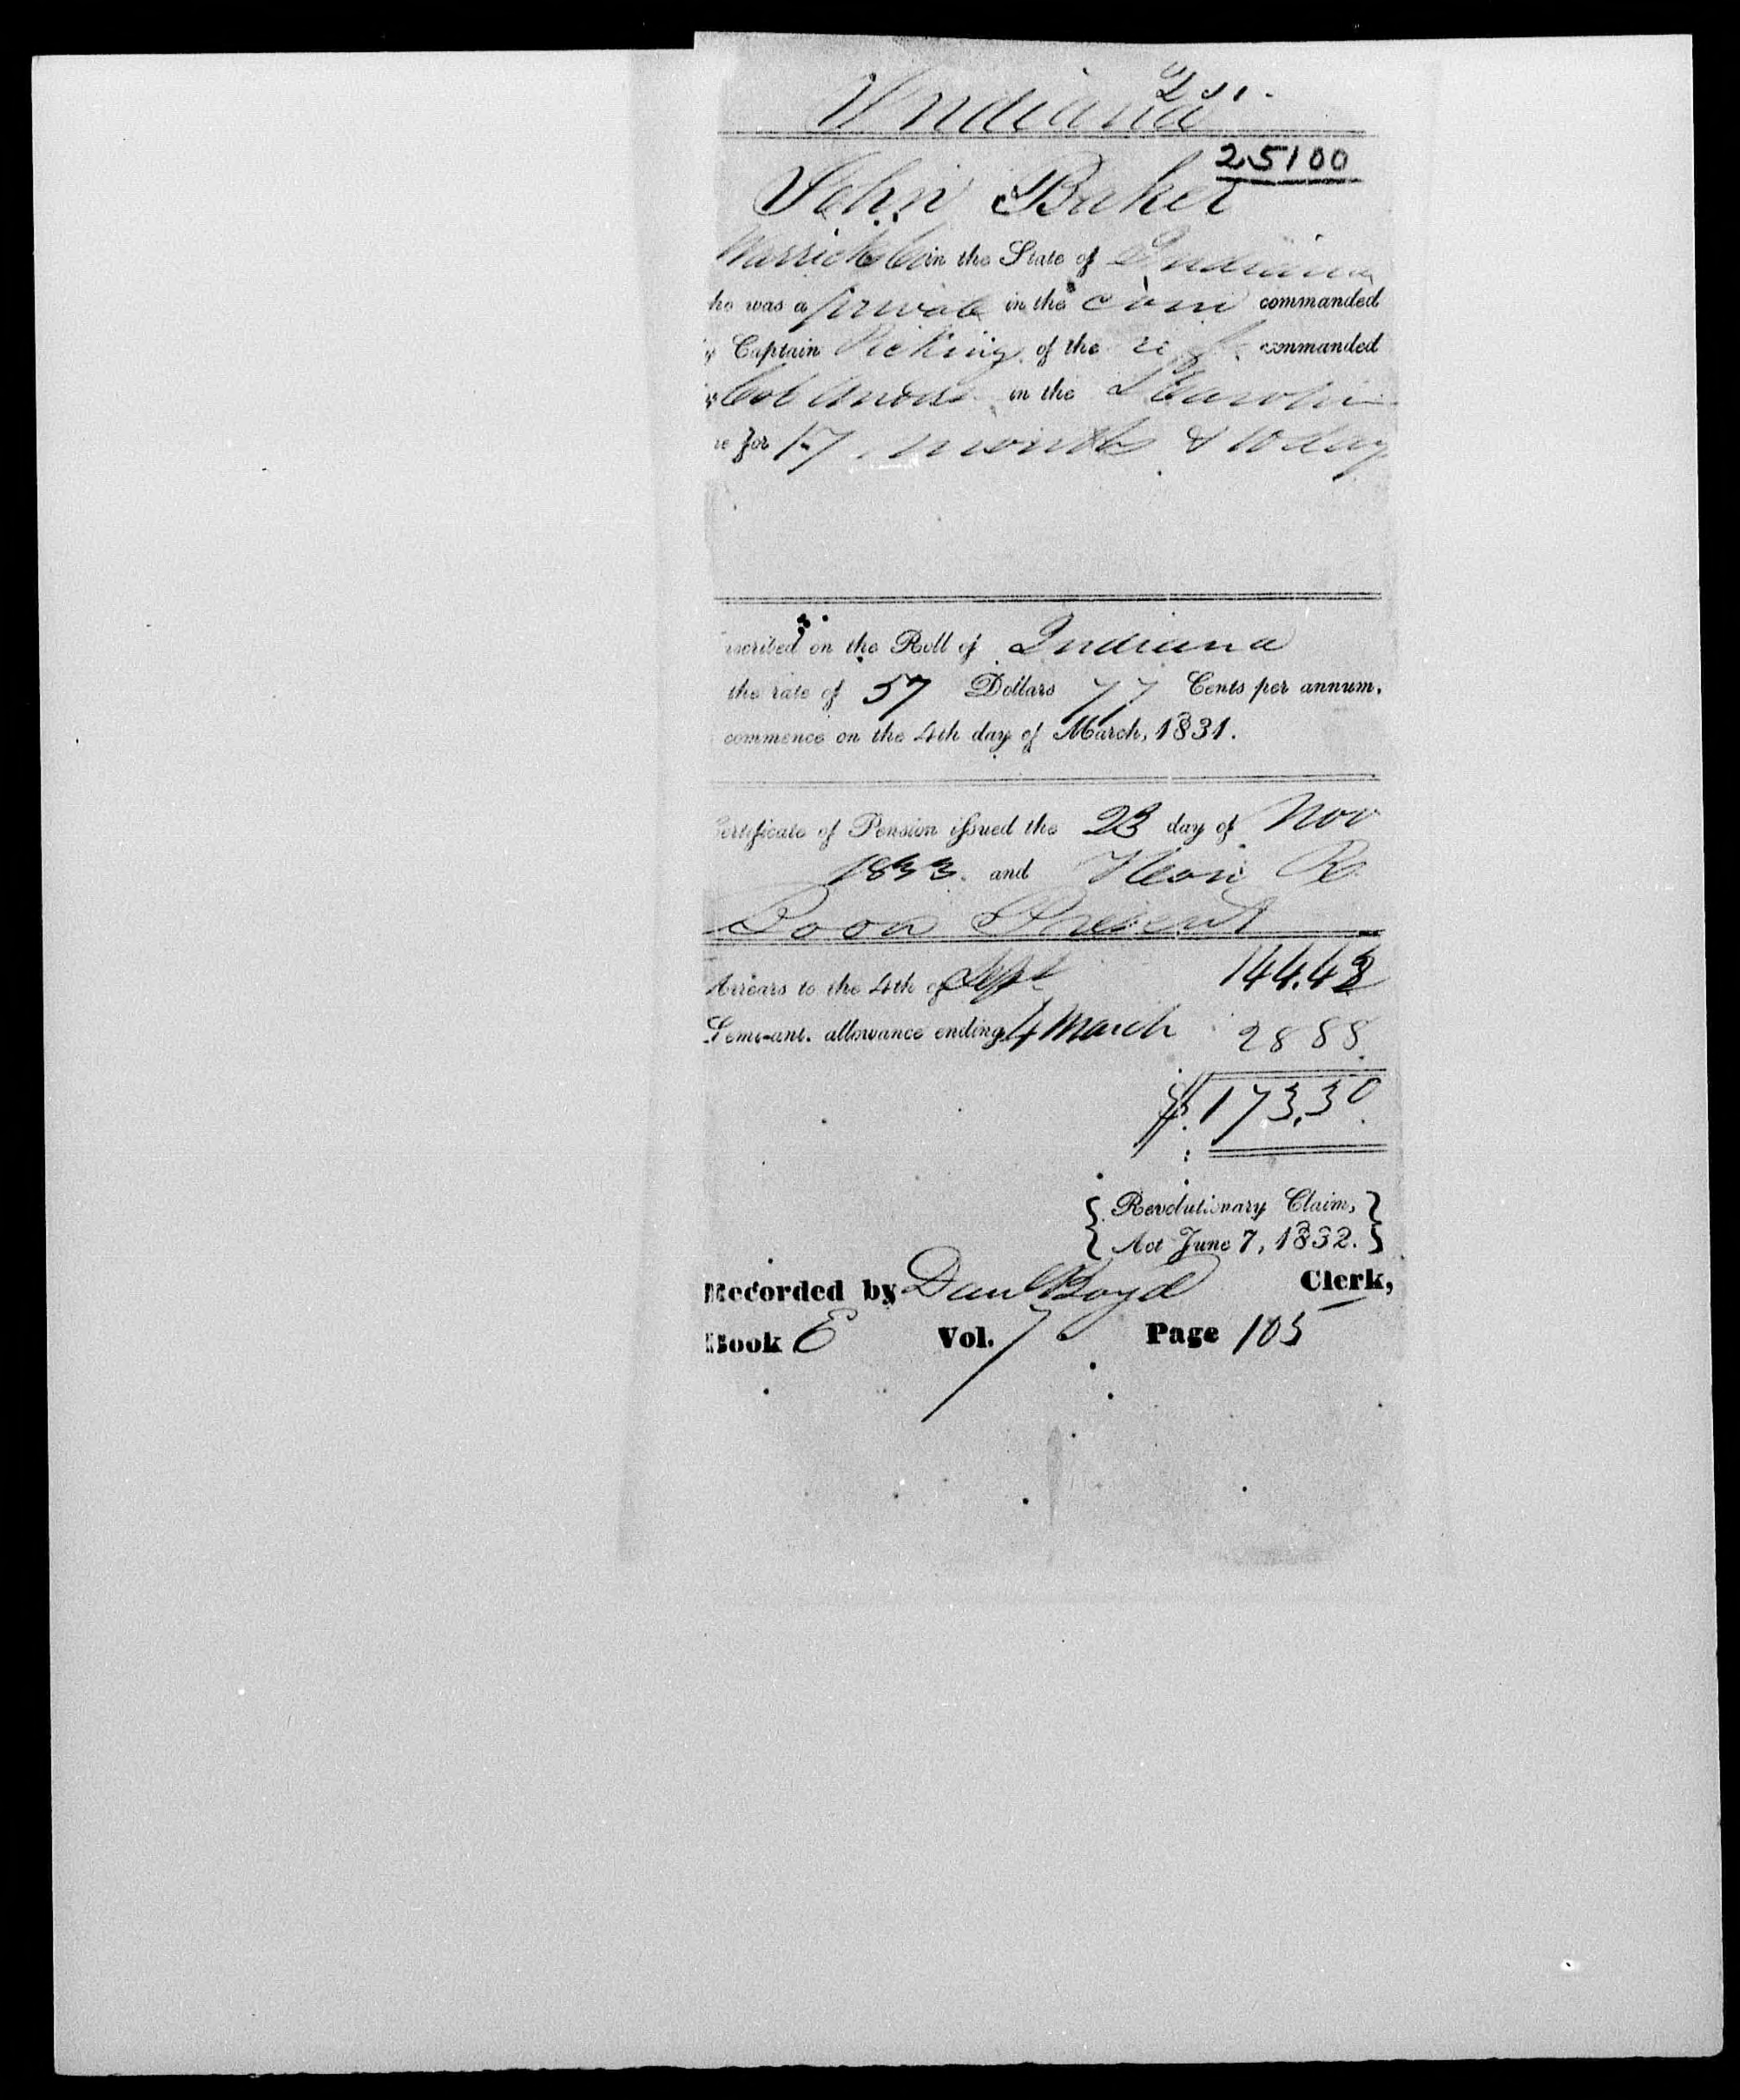Indiana
---
John Baker 25100
Warrick Co in the State of Indiana who was a private in the [illegible] commanded by Captain Picking of the regt. commanded by Col Amos in the S Carolina service for 17 months & 10 days
---
Subscribed on the Roll of Indiana the rate of 57 Dollars 77 Cents per annum, commence on the 4th day of March, 1831.
---
Certificate of Pension issued the 23 day of Nov
1833 and Hon R Boon Present
---
Arrears to the 4th of Sept. 144.42
Semi-anl. allowance ending 4 March 28.88
$173.30
---
Revolutionary Claim, Act June 7, 1832.
Recorded by Dan Boyd Clerk, Book E Vol. 7 Page 105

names: John Baker, Danl Boyd, Anderson, Picking, R Boon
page: 2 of 27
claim: rejected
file: R. 406, John Baker, S.C.